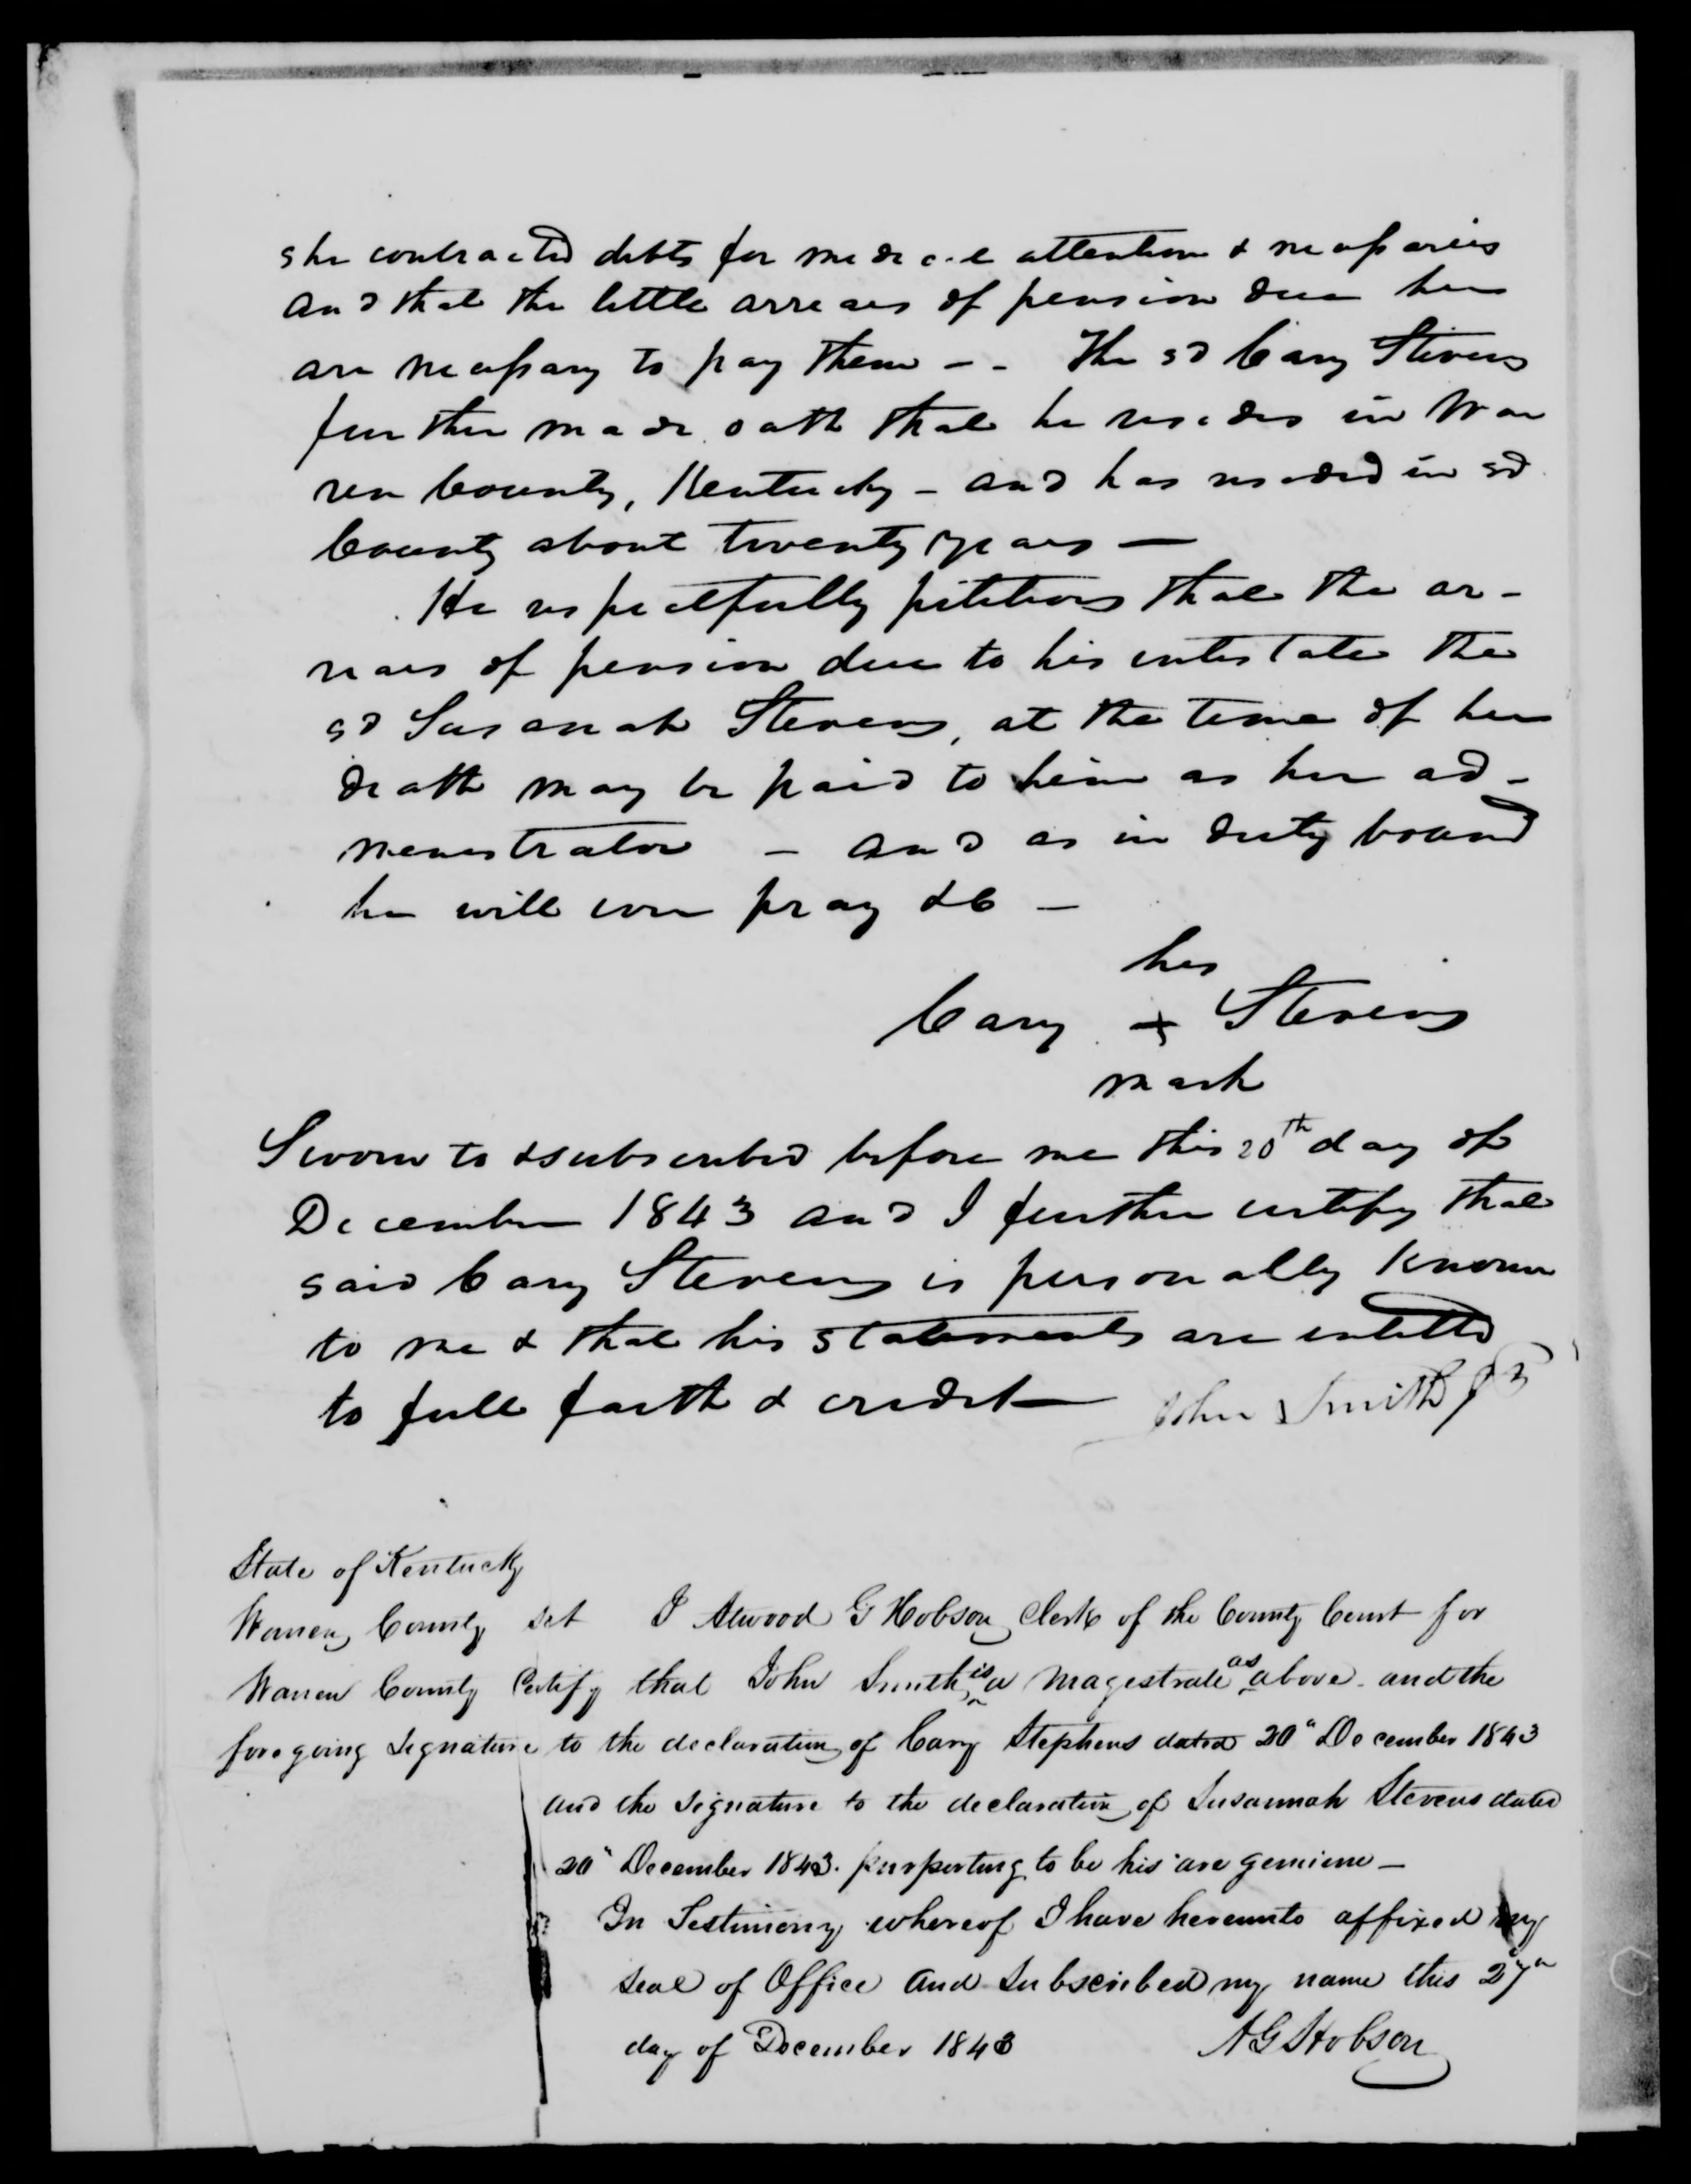she contracted debts for medical attention & necessaries and that the little arrears of pension due her are necessary to pay them-- The said Cary Stevens further made oath that he resides in Warren County, Kentucky - and has resided in said County about twenty years-
He respectfully petitions that the arrears
of pension due to his intestate the said 
Susanah Stevens, at the time of her
death may be paid to him as her administrator
- and as in duty bound he will ever pray do -

Cary Stevens
His Mark
Sworn to & subscribed before me this 20th day of December 1843 and I further certify that
said Cary Stevens is personally known
to me & that his statements are entitled
to full faith & credit - John Smith

State of Kentucky
Warren County Sct I Atwood G Hobson Clerk of the County Court for Warren County certify that John Smith is a Magistrate as above, and the
foregoing signature to the declaration of Cary Stephens dated 20 December 1843
and the signature to the declaration of Susannah Stevens dated 20 December 1843. purporting to be his are genuine-
In Testimony whereof I have hereunto affixed my
seal of Office and subscribed my name this 27th
day of December 1843
A G Hobson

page: 89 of 99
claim: widow's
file: W 8766, for James Stevens, Virginia